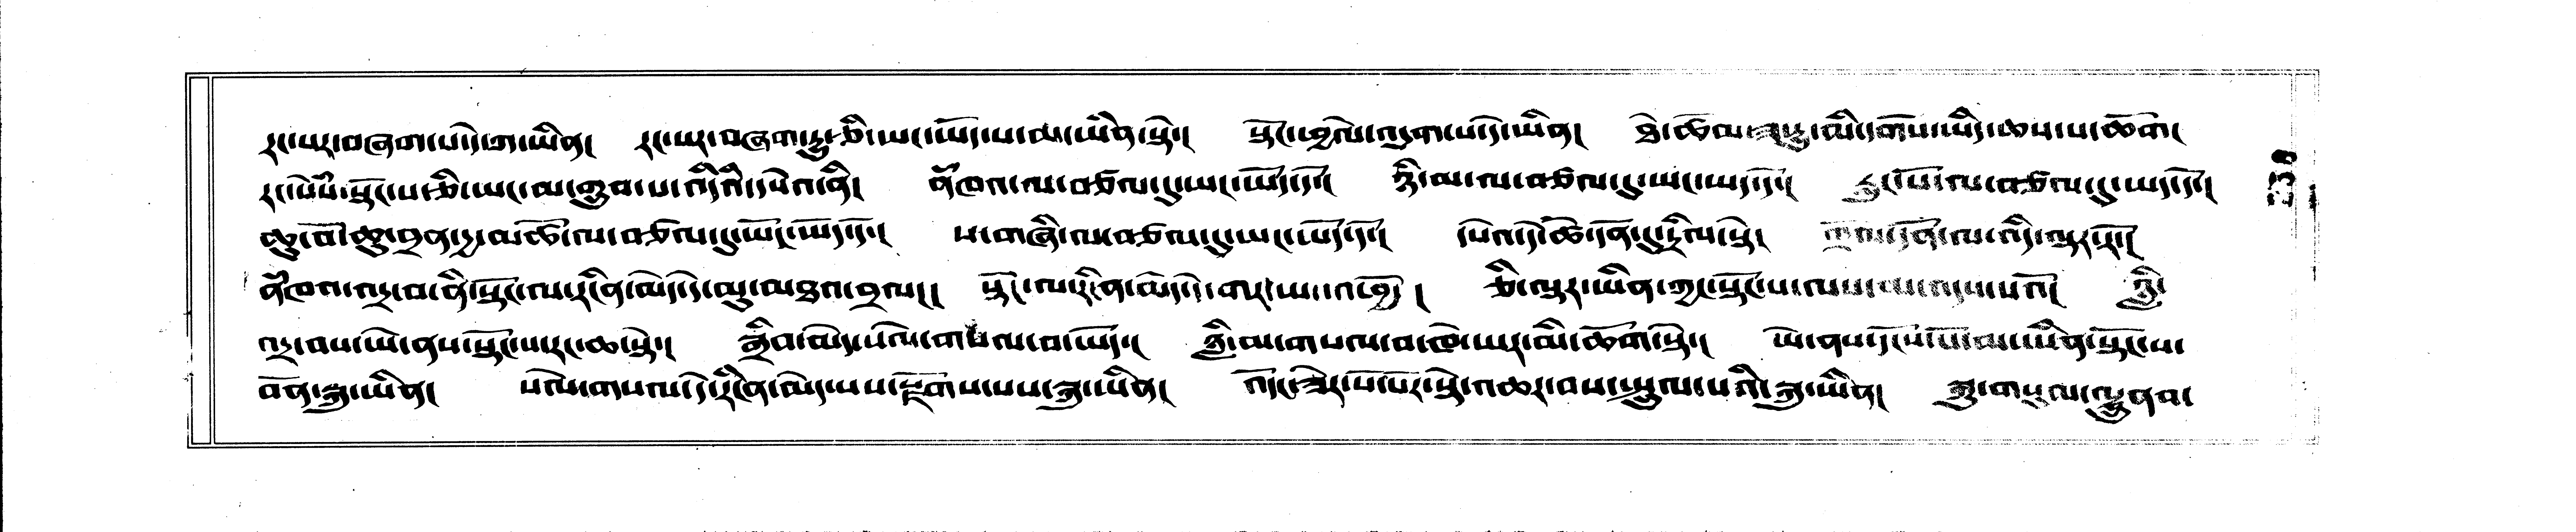བཞག་ན་དེ་ཀ་ཡིན། རང་སར་བཞག་རྒྱུ་ཅི་ཡང་ཡོད་པ་མ་ཡིན་ཏེ། སྟོང་ཕྱ་ལེ་འདུག་པ་དེ་ཀ་ཡིན། ཐེ་ཚོམས་ཟ་རུ་མི་དགོས་ཡིད་ཆེས་པས་ཆོག་གོ 
རང་སེམས་སྟོང་པ་ཅིར་ཡང་མ་གྲུབ་པ་འདིའི་དཔེ་ནི། ནམ་མཁའ་ལས་བརྩལ་དུ་ཡོད་དོ། དེ་བཞིན་དུ། ཉི་ཟླ་ལ་རླུང་པོ་དང་། ཆུ་བོ་དང་། ཆུ་ཕྲན་དང་། རྒྱ་མཚོ་དང་། ས་གཞི་ལས་བརྩལ་དུ་ཡོད་དོ། 
དཔེ་དེ་ཚོ་དོན་གཅིག་ཏུ་དྲིལ་ཏེ་བཀྲོལ་དོན་ལ་འདི་ལྟར་རོ། 
ནམ་མཁའ་འདྲ་བས་ནི་སྟོང་ལ་རང་བཞིན་མེད་དེ་མུ་མཐའ་བྲལ། སྟོང་ལ་རང་བཞིན་མེད་དེ་ཅི་ཡང་འཕྱོ། ཅི་ལྟར་ཡིན་ཀྱང་སྟོང་པ་ལས་མི་གདའོ། ཉི་ཟླ་
འདྲ་བས་ཡེ་ནས་སྟོང་པ་རང་ཆས་ཏེ། བསྒྲིབ་མེད་སལེ་གསལ་བ་ཡོད། ཉི་ཟླ་ལ་གསལ་བ་ཁེ་ཡར་གྱིས་མི་ཆོག་སྟེ། ཡེ་ནས་དངོས་པོ་མ་ཡིན་སྟོང་པས་
བོན་གྱིས་སྐུ་ཡང་ཡིན། སལེ་གསལ་ཏེ་རང་བཞིན་མེད་པའི་རྫོགས་པའི་སྐུ་ཡང་ཡིན། འོད་དང་ཟེར་སོ་སོར་འཆར་བས་སྤྲུལ་པའི་སྐུ་ཡང་ཡིན། སྐུ་གསུམ་ལྷུན་གྲུབ་